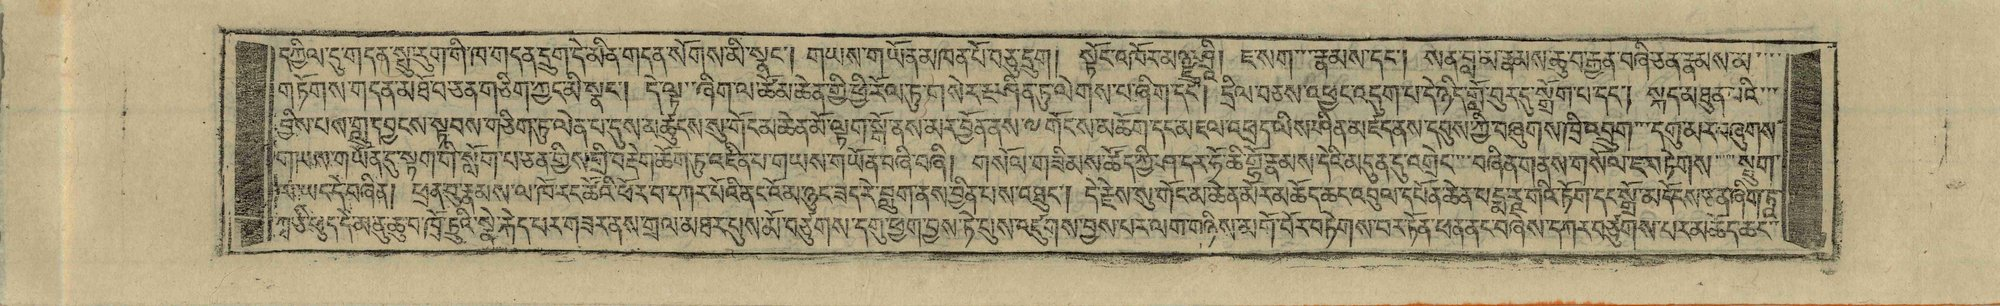དཀྱིལ་དུ་གདན་སྤུ་རུག་གི་ཁ་གདན་དྲུག་དེ་མིན་གདན་སོགས་མི་སྣང་། གཡས་གཡོན་མཁན་པོ་བཅུ་དྲུག །སྟོང་འཁོར་མཉྫུ་ཤྲཱི། ཇ་སག་རྣམས་དང་། སན་བླ་མ་རྣམས་ཆུ་བ་རྒྱན་བཞི་ཅན་རྣམས་མ་
གཏོགས་གདན་མཐོ་བ་ཅན་གཅིག་ཀྱང་མི་སྣང་། དེ་ལྟ་ཞིག་ལ་ཚོམ་ཆེན་གྱི་ཕྱི་རོལ་ཏུ་གསེར་རྔ་ཤིན་ཏུ་ལེགས་པ་ཞིག་དང་། དྲིལ་བཅས་འཕྱང་འདུག་པ་དེ་ཉིད་གློ་བུར་དུ་སྒྲོག་པ་དང་། སྐད་མཐུན་པའི་
བྱིས་པས་གླུ་དབྱངས་སྟབས་གཅིག་ཏུ་ལེན་པ་དུས་མཚུངས་སུ་གོང་མ་ཆེན་མོ་ལྟག་སྒོ་ནས་མར་བྱོན་ནས་༧གོང་ས་མཆོག་དང་མཇལ་འཕྲད་ལིས་ཤིན་མཛད་ནས་དབུས་ཀྱི་བཞུགས་ཁྲི་འབྲུག་དགུ་མར་བཞུགས་
གཡས་གཡོན་དུ་སྟག་གི་སློག་པ་ཅན་གྱིས་གྲི་བརྡེག་ཆོག་ཏུ་འཛིན་པ་གཡས་གཡོན་བཞི་བཞི། གསོལ་གཟིམས་ཚོད་ཀྱི་ཤ་དར་ཧོ་ཆི་གྷོ་རྣམས་དེའི་མདུན་དུ་འགྲེང་བཞིན་གནས་གསོལ་ཇ་བཏེགས་སྤུག་
ལ་ཡང་དེ་བཞིན། ཕྲན་བུ་རྣམས་ལ་ཁོ་རང་ཚོའི་ཕོར་བ་དཀར་པོའི་ནང་འོ་མ་ཉུང་ཟད་རེ་བླུག་ནས་བྱིན་པས་འཐུང་། དེ་རྗེས་སུ་གོང་མ་ཆེན་མོར་མཆོད་ཆང་འབུལ་དཔོན་ཆེན་པདམ་རཱ་གའི་ཏོག་དང་སྒྲོ་མདོངས་ཅན་ཞིག་ཏཱ་
ཀྭ་ཅི་ཕུད་དེ་མ་ནུ་ཆུ་བ་ཁྲོ་ཏྲུའི་སྣེ་རྐེད་པར་གཟར་ནས་གྲལ་མཐར་པུས་མོ་བཙུགས་དགུ་ཕྱག་བྱས་ཏེ་པུས་འཛུགས་བྱས་པར་ལག་གཉིས་མགོ་བོར་བཏེགས་པར་ཏོན་ཕན་ནང་བཞེས་དཀར་བཙུགས་པར་མཆོད་ཆང་